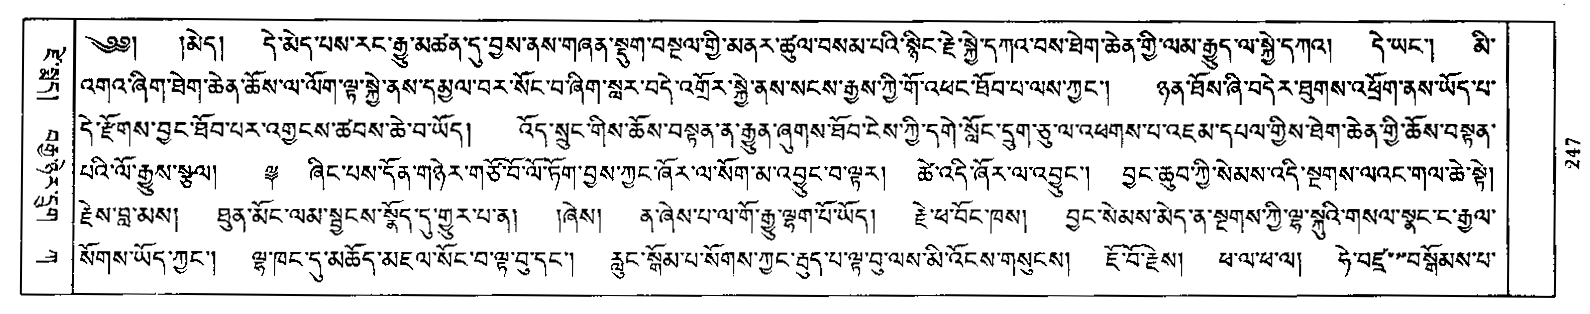༄༅། །མེད། དེ་མེད་པས་རང་རྒྱུ་མཚན་དུ་བྱས་ནས་གཞན་སྡུག་བསྔལ་གྱི་མནར་ཚུལ་བསམ་པའི་སྙིང་རྗེ་སྐྱེ་དཀའ་བས་ཐེག་ཆེན་གྱི་ལམ་རྒྱུད་ལ་སྐྱེ་དཀའ། དེ་ཡང་། མི་
འགའ་ཞིག་ཐེག་ཆེན་ཆོས་ལ་ལོག་ལྟ་སྐྱེ་ནས་དམྱལ་བར་སོང་བ་ཞིག་སླར་བདེ་འགྲོར་སྐྱེ་ནས་སངས་རྒྱས་ཀྱི་གོ་འཕང་ཐོབ་པ་ལས་ཀྱང་། ཉན་ཐོས་ཞི་བདེར་ཐུགས་འཕྲོག་ནས་ཡོད་པ་
དེ་རྫོགས་བྱང་ཐོབ་པར་འགྱངས་ཚབས་ཆེ་བ་ཡོད། འོད་སྲུང་གིས་ཆོས་བསྟན་ན་རྒྱུན་ཞུགས་ཐོབ་ངེས་ཀྱི་དགེ་སློང་དྲུག་ཅུ་ལ་འཕགས་པ་འཇམ་དཔལ་གྱིས་ཐེག་ཆེན་གྱི་ཆོས་བསྟན་
པའི་ལོ་རྒྱུས་སྩལ། ༈ ཞིང་པས་དོན་གཉེར་གཙོ་བོ་ལོ་ཏོག་བྱས་ཀྱང་ཞོར་ལ་སོག་མ་འབྱུང་བ་ལྟར། ཚེ་འདི་ཞོར་ལ་འབྱུང་། བྱང་ཆུབ་ཀྱི་སེམས་འདི་སྔགས་ལའང་གལ་ཆེ་སྟེ།
རྗེས་བླ་མས། ཐུན་མོང་ལམ་སྦྱངས་སྣོད་དུ་གྱུར་པ་ན། །ཞེས། ན་ཞེས་པ་ལ་གོ་རྒྱུ་ལྷག་པོ་ཡོད། རྗེ་ཕ་བོང་ཁས། བྱང་སེམས་མེད་ན་སྔགས་ཀྱི་ལྷ་སྐུའི་གསལ་སྣང་ང་རྒྱལ་
སོགས་ཡོད་ཀྱང་། ལྷ་ཁང་དུ་མཆོད་མཇལ་སོང་བ་ལྟ་བུ་དང་། རླུང་སྒོམ་པ་སོགས་ཀྱང་རྦུད་པ་ལྟ་བུ་ལས་མི་འོངས་གསུངས། ཇོ་བོ་རྗེས། ཕ་ལ་ཕ་ལ། ཧེ་བཛྲ་བསྒོམས་པ་